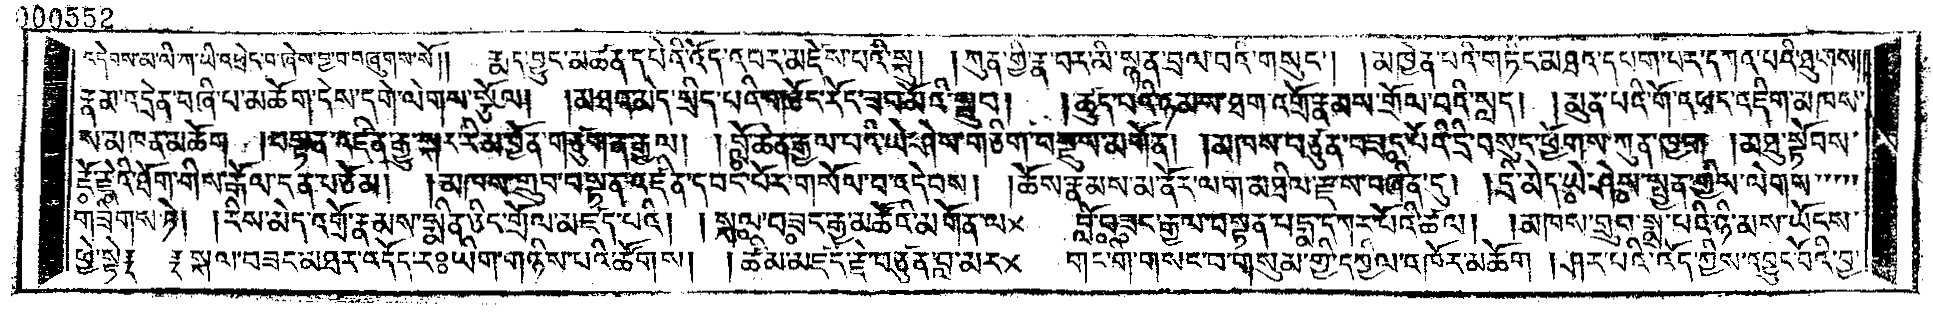འདེབས་མ་ལི་ཀ་ཡི་འཕྲེང་བ་ཞེས་བྱ་བ་བཞུགས་སོ།། རྨད་བྱུང་མཚན་དཔེའི་འོད་འབར་མཛེས་པའི་སྐུ། །ཀུན་གྱི་རྣ་བར་མི་སྙན་བྲལ་བའི་གསུང་། །མཁྱེན་པའི་གཏིང་མཐའ་དཔག་པར་དཀའ་པའི་ཐུགས།།
རྣམ་འདྲེན་བཞི་པ་མཆོག་དེས་དགེ་ལེགས་སྩོལ། །མཐའ་མེད་སྲིད་པའི་གཅོང་རོང་ཟབ་མོའི་སྦུབ། །ཚུད་པའི་ཉམས་ཐག་འགྲོ་རྣམས་གྲོལ་བའི་སླད། །མུན་པའི་གོ་འཕང་འཇིག་མཁས་
ས་མཁན་མཆོག །བསྟན་འཛིན་རྒྱུ་སྐར་རིམ་བྱོན་གཙུག་ན་རྒྱལ། །བློ྾་ཆེན་རྒྱལ་པའི་ཡེ་ཤེས་གཅིག་བསྡུས་མགོན། །མཁས་བཙུན་བཟང་པོའི་དྲི་བསུང་ཕྱོགས་ཀུན་ཁྱབ། །མཐུ་སྟོབས་
རྡོ྾་རྗེའི྾་ཐོག་གིས་རྒོལ་ངན་པ་ཅོམ། །མཁས་གྲུབ་བསྟན་འཛིན་དབང་པོར་གསོལ་བ་འདེབས། །ཆོས་རྣམས་མ་ནོར་ལག་མཐིལ་རྫས་བཞིན་དུ། །དྲི་མེད་ཡེ྾་ཤེས྾་སྤྱན་གྱིས་ལེགས་
གཟིགས་ཏེ། །རིས་མེད་འགྲོ་རྣམས་སྨིན་ཅིང་གྲོལ་མཛད་པའི། །སྐལ྾་བཟང྾་རྒྱ་མཚོའི་མགོན་ལ྾་བློ྾་བཟང྾་རྒྱལ་བསྟན་པདམ་དཀར་པོའི་ཚལ། །མཁས་གྲུབ་སྨྲ་བའི་ཉི་མས་ཡོངས་
ཕྱེ་སྟེ༑ ༑སྐལ་བཟང་མཐར་འདོད་རཿ ཡིག་གཉིས་པའི་ཚོགས། །ཚིམ་མཛད་རྗེ་བཙུན་བླ་མར྾་གང་གི་གསང་བ་གསུམ་གྱི་དཀྱིལ་འཁོར་མཆོག །ཤར་པའི་འོད་ཀྱིས་འབྱུང་པོའི་བྱ་